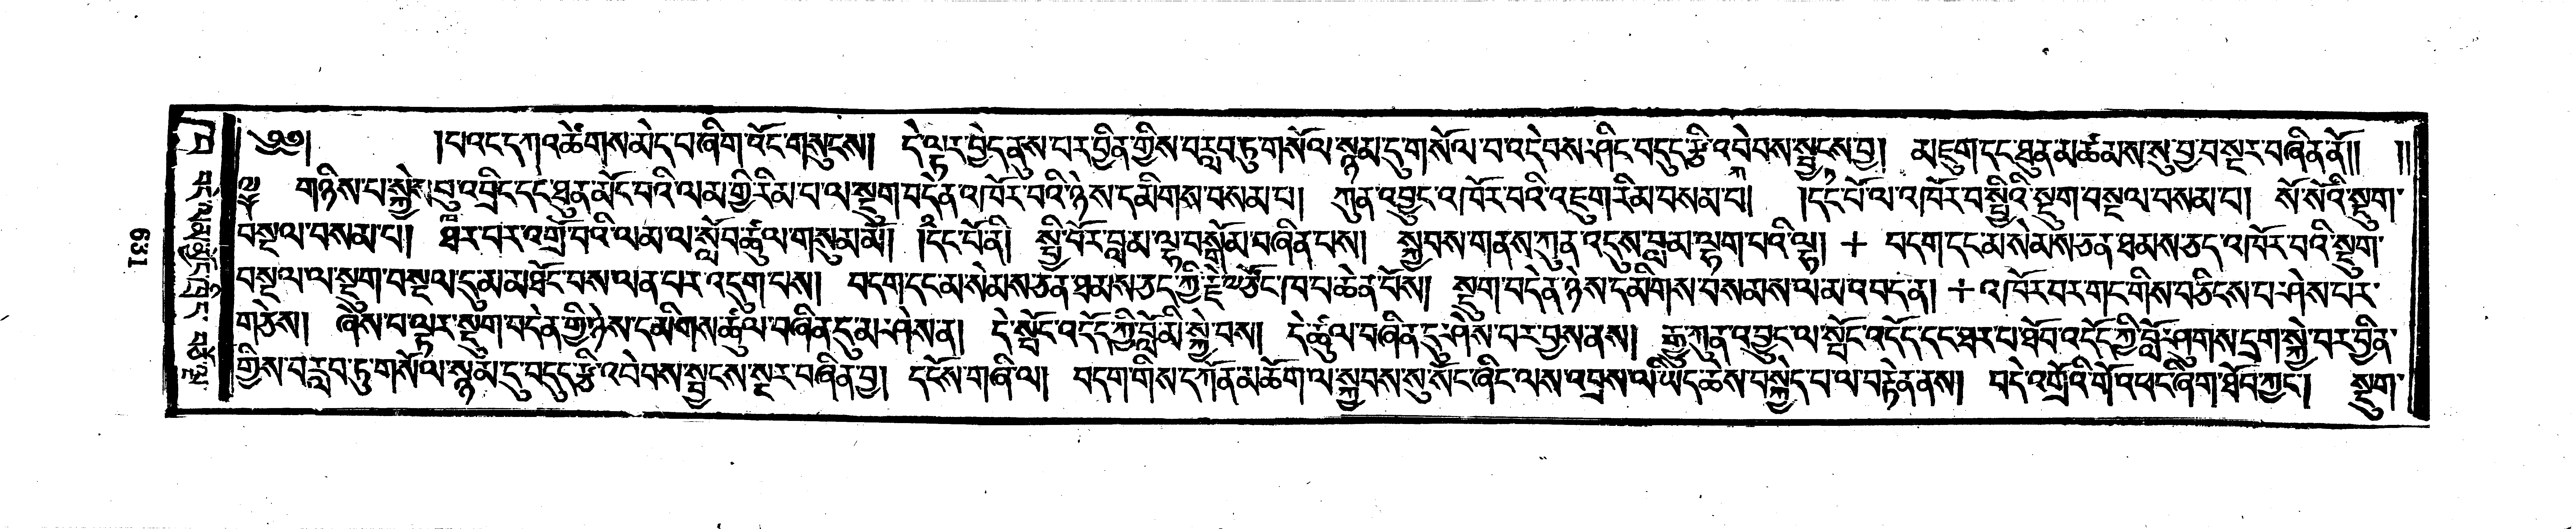༄༅། །པའང་དཀའ་ཚེགས་མེད་བ་ཞིག་འོང་གསུངས། དེ་ལྟར་བྱེད་ནུས་པར་བྱིན་གྱིས་བརླབ་ཏུ་གསོལ་སྙམ་དུ་གསོལ་བ་འདེབས་ཤིང་བདུད་རྩི་འབེབས་སྦྱངས་བྱ། མཇུག་དང་ཐུན་མཚམས་སུ་བྱ་བ་སྔར་བཞིན་ནོ།། །།
༈ གཉིས་པ་སྐྱེས་བུ་འབྲིང་དང་ཐུན་མོང་བའི་ལམ་གྱི་རིམ་པ་ལ་སྡུག་བདེན་འཁོར་བའི་ཉེས་དམིགས་བསམ་པ། ཀུན་འབྱུང་འཁོར་བའི་འཇུག་རིམ་བསམ་པ། །དང་པོ་ལ་འཁོར་བ་སྦྱིའི་སྡུག་བསྔལ་བསམ་པ། སོ་སོའི་སྡུག་
བསྔལ་བསམ་པ། ཐར་བར་འགྲོ་བའི་ལམ་ལ་སློབ་ཚུལ་གསུམ་མོ། །དང་པོ་ནི། སྤྱི་བོར་བླ་མ་ལྷ་བསྒོམ་བཞིན་པས། སྐྱབས་གནས་ཀུན་འདུས་བླ་མ་ལྷག་པའི་ལྷ། +་བདག་དང་མ་སེམས་ཅན་ཐམས་ཅད་འཁོར་བའི་སྡུག་
བསྔལ་ལ་སྡུག་བསྔལ་དུ་མ་མཐོང་བས་ལན་པར་འདུག་པས། བདག་དང་མ་སེམས་ཅན་ཐམས་ཅད་ཀྱི་རྗེ་༧་ཙོང་ཁ་པ་ཆེན་པོས། སྡུག་བདེན་ཉེས་དམིགས་བསམས་ལ་མ་འབད་ན། +་འཁོར་བར་གང་གིས་བཅིངས་པ་ཤེས་པར་
གཅེས། ཞེས་པ་ལྟར་སྡུག་བདེན་གྱི་ཉེས་དམིགས་ཚུལ་བཞིན་དུ་མ་ཤེས་ན། དེ་སྦོང་འདོད་ཀྱི་བློ་མི་སྐྱེ་བས། དེ་ཚུལ་བཞིན་དུ་ཤེས་པར་བྱས་ནས། རྒྱུ་ཀུན་འབྱུང་ལ་སྤོང་འདོད་དང་ཐར་པ་ཐོབ་འདོད་ཀྱི་བློ་ཤུགས་དྲག་སྐྱེ་བར་བྱིན་
གྱིས་བརླབ་ཏུ་གསོལ་སྙམ་དུ་བདུད་རྩི་འབེབས་སྦྱངས་སྔར་བཞིན་བྱ། དངོས་གཞི་ལ། བདག་གིས་དཀོན་མཆོག་ལ་སྐྱབས་སུ་སོང་ཞིང་ལས་འབྲས་ལ་ཡིད་ཆེས་བསྐྱེད་པ་ལ་བརྟེན་ནས། བདེ་འགྲོའི་གོ་འཕང་ཞིག་ཐོབ་ཀྱང་། སྡུག་